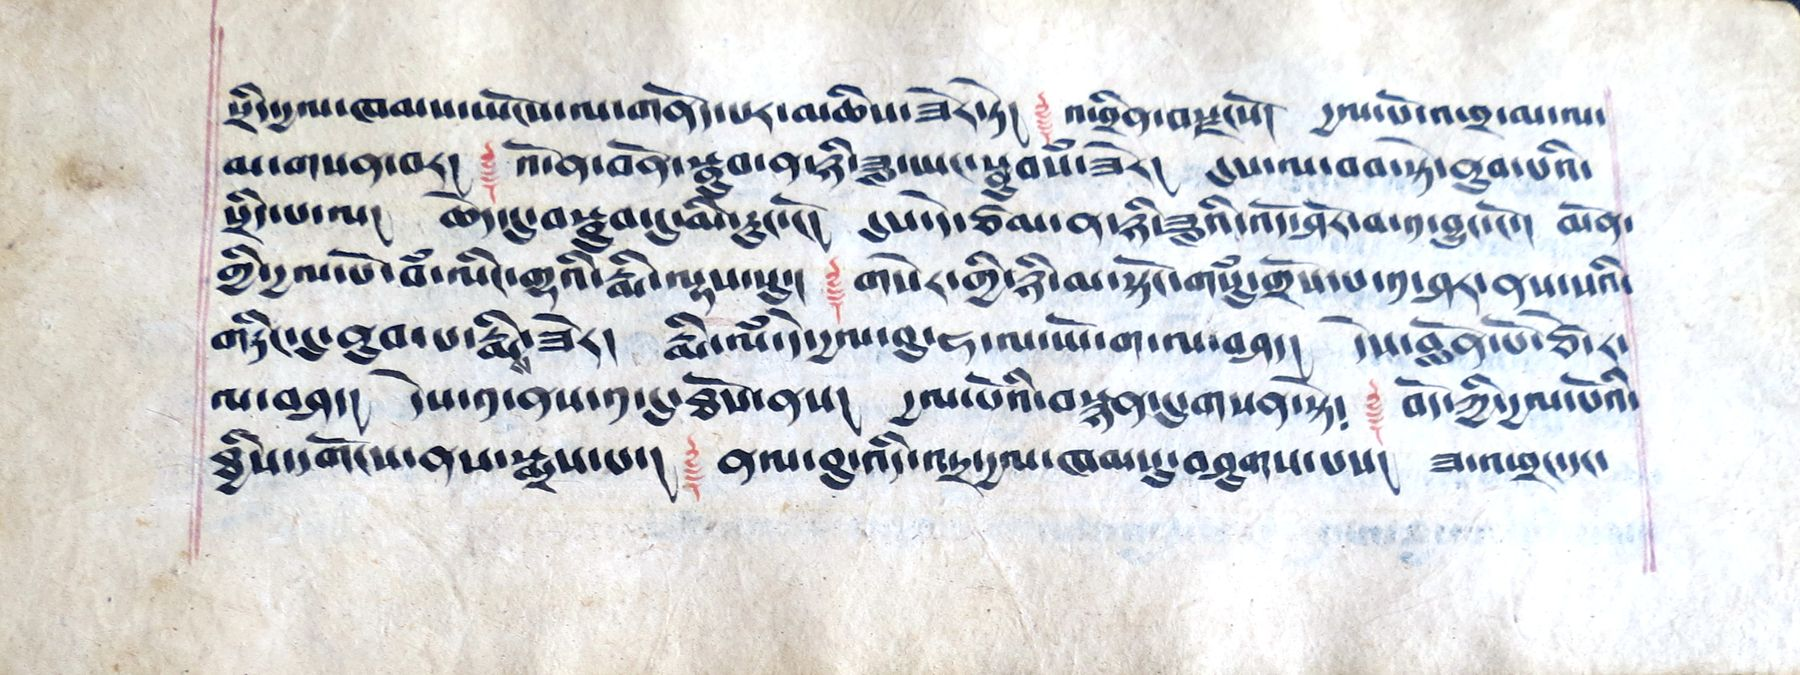སྲིད་དང་། རྒྱལ་ཁམས་ཡོངས་ལ་གནོད་པར་མཆིས་པས། བོན་བསྣུབས་དགོས་ཟེར་ཏེ་འཕྲིན་བརྫངས་སོ། ། རྒྱལ་པོས་ཕྲ་མ་ལ་
མ་གསན་པར། འོ་ན་བོན་སྣུབ་ན་ཉི་ཟླ་ཡང་སྣུབས་སམ་ཟེར། དུས་ལ་བབ་སྟེ་ནུབ་པའི་
སྲིད་པ་ལས། ཆེད་དུ་སྣུབ་ཏུ་མི་རུང་གསུངས། དུས་དེ་ཙམ་ན། ཉི་ཟླའི་འོད་ཀྱང་ཤོར་བ་ཞིག་བྱུང་་ངོ་། མོན་
གྱི་རྒྱལ་པོ་བམ་ལིང་གྷའི་རྨི་ལྟས་སུ། གསེར་གྱི་ཉི་མ་སྟོང་གསུམ་དྲོས་པ་ཞིག་ཤར་ནས། སའི་
གཏིང་དུ་ནུབ་པ་རྨིས་ཟེར། རྨི་ལམ་དེ་རྒྱལ་བུ་ཧ་ལ་ཡོ་ག་ལ་བཤད། དེས་བློན་པོ་ཙེ་ར་
ལ་བཤད། དེས་གཅིག་ནས་གཅིག་ཏུ་ཐོས་ནས་རྒྱལ་པོའི་སྙན་དུ་གསན་ནས། བོད་ཀྱི་རྒྱལ་པོའི་
ཐུགས་དགོངས་ནས་སྨྲས་པ། ནལ་བུ་འདི་འདྲ་རྒྱལ་ཁམས་སུ་བཤུགས་པས། ཟ་འཕྲང་དང་